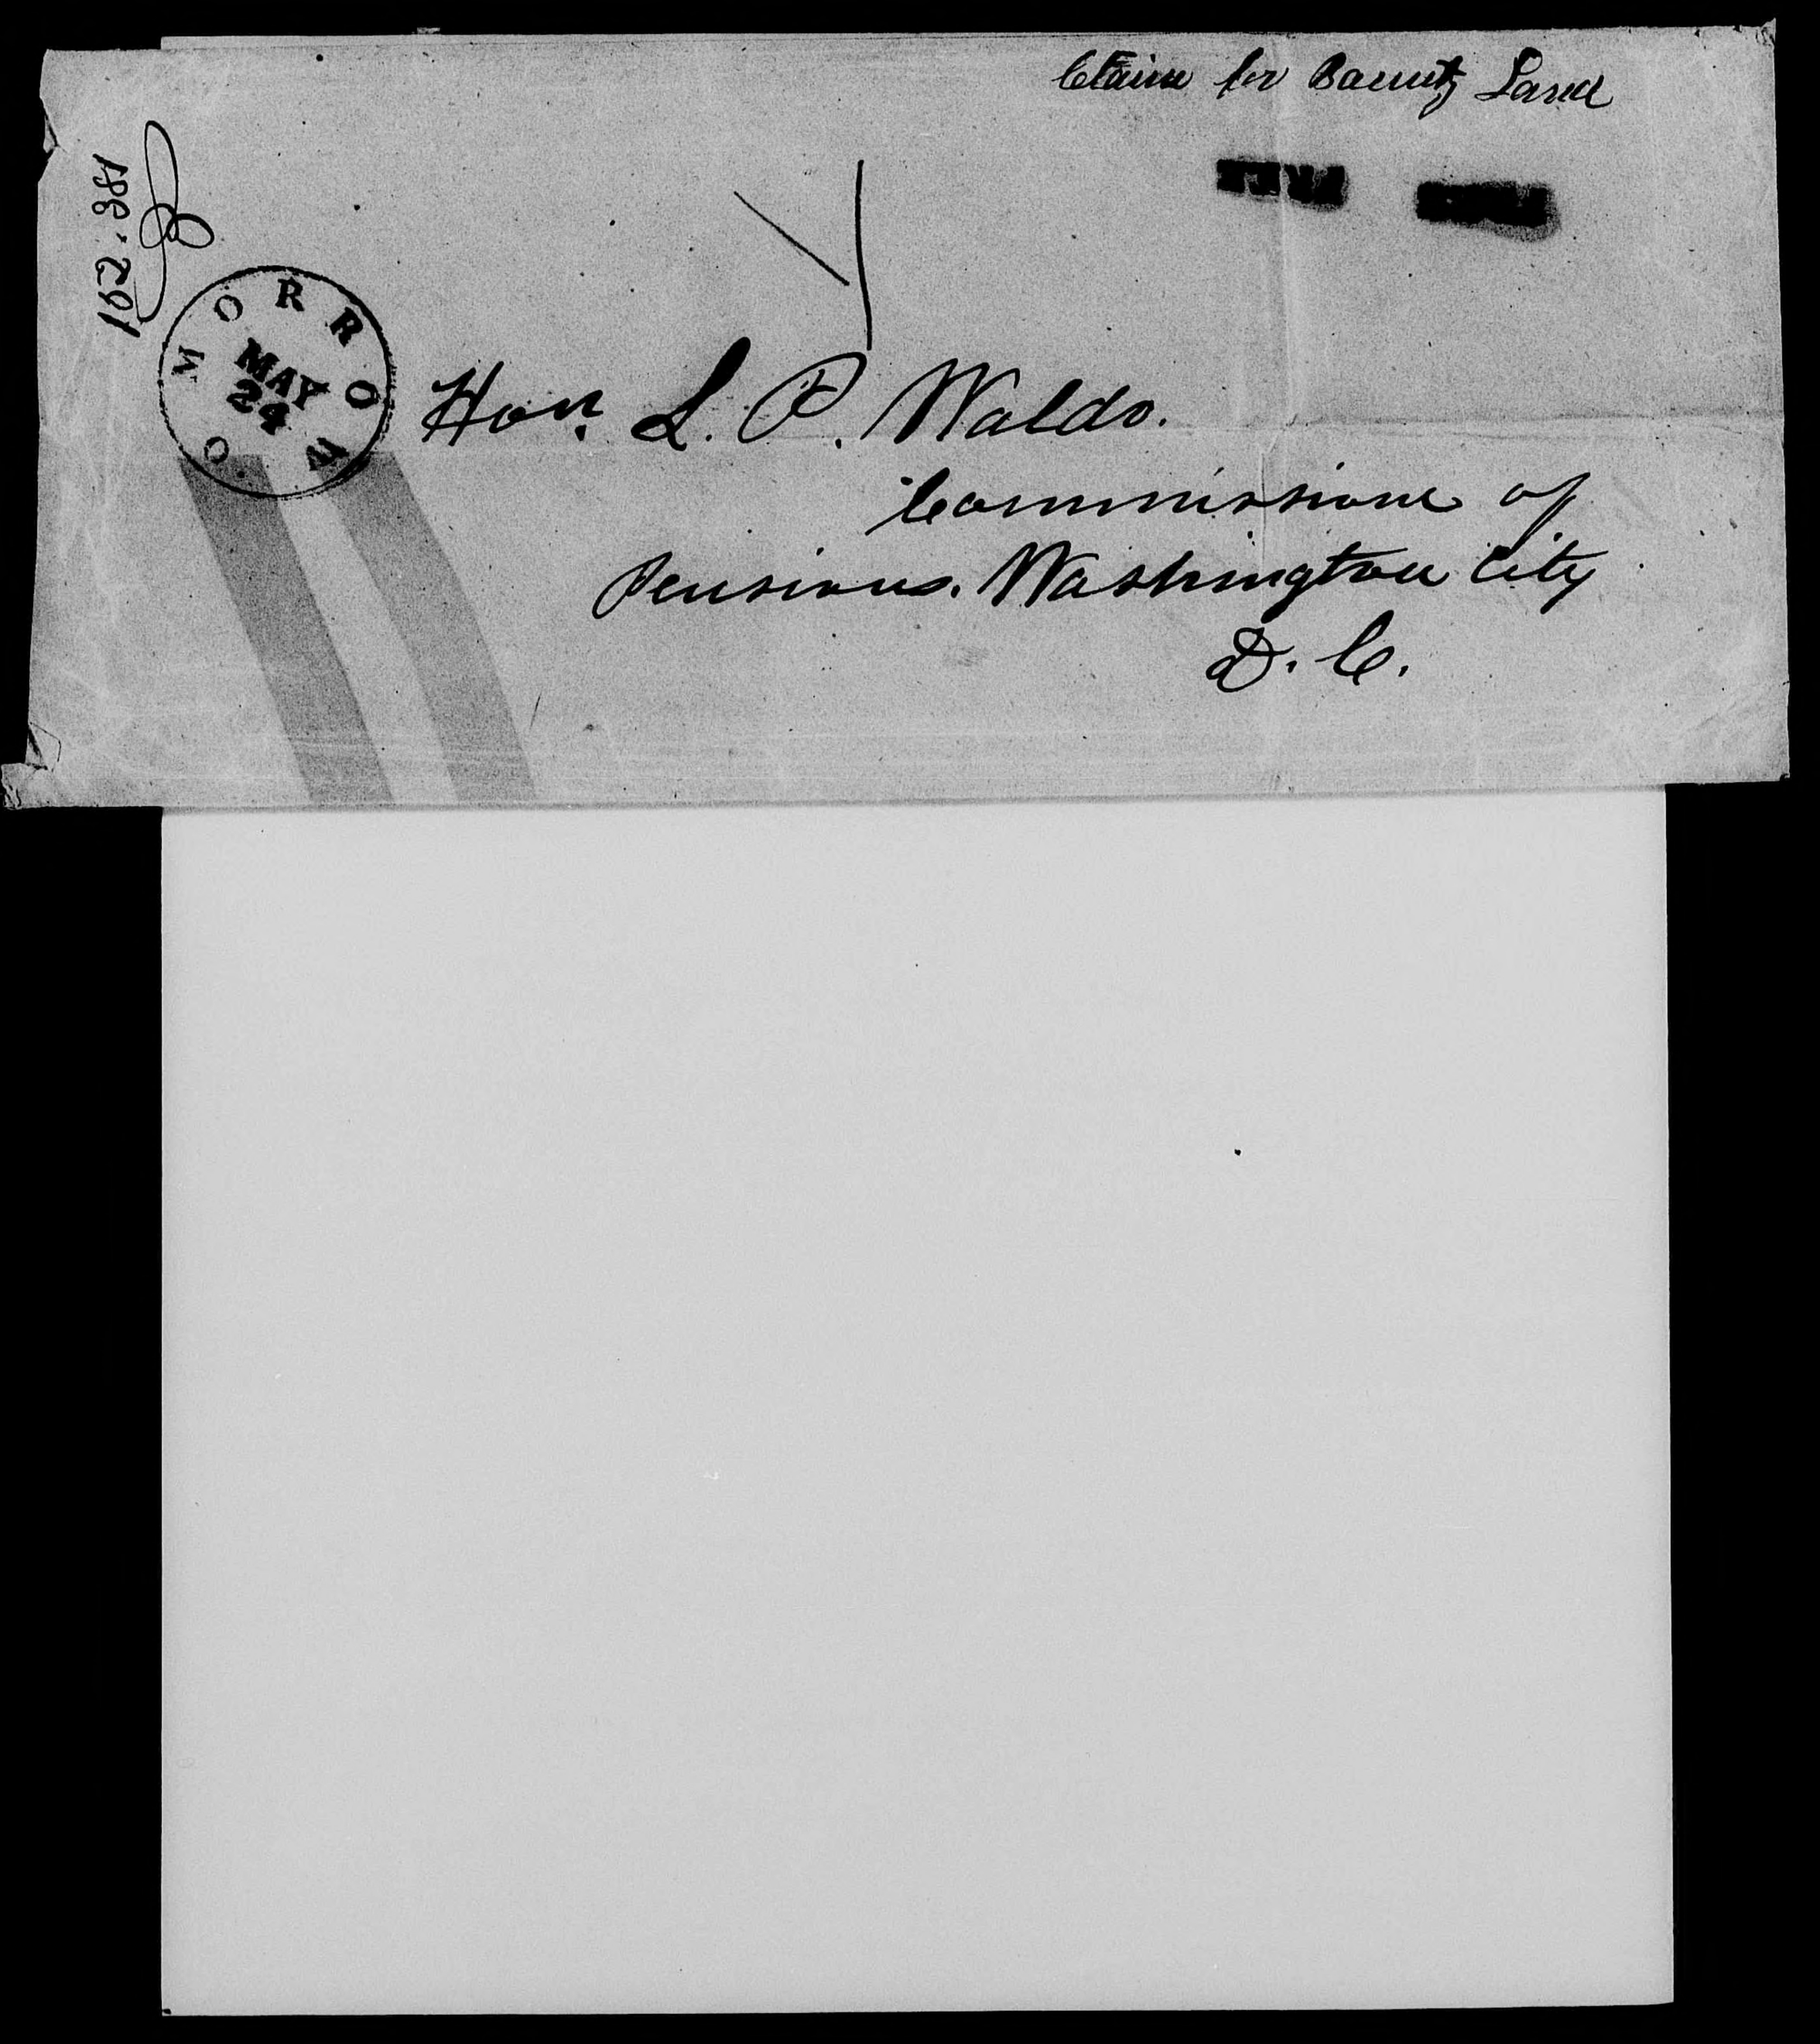102-881

Claim for Bounty Land

Hon. L. P. Waldo
Commissioner of
Pensions, Washington City, 
D.C.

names: L P Waldo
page: 33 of 57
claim: widow's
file: W. 25,739, for James Murphey, Pennsylvania